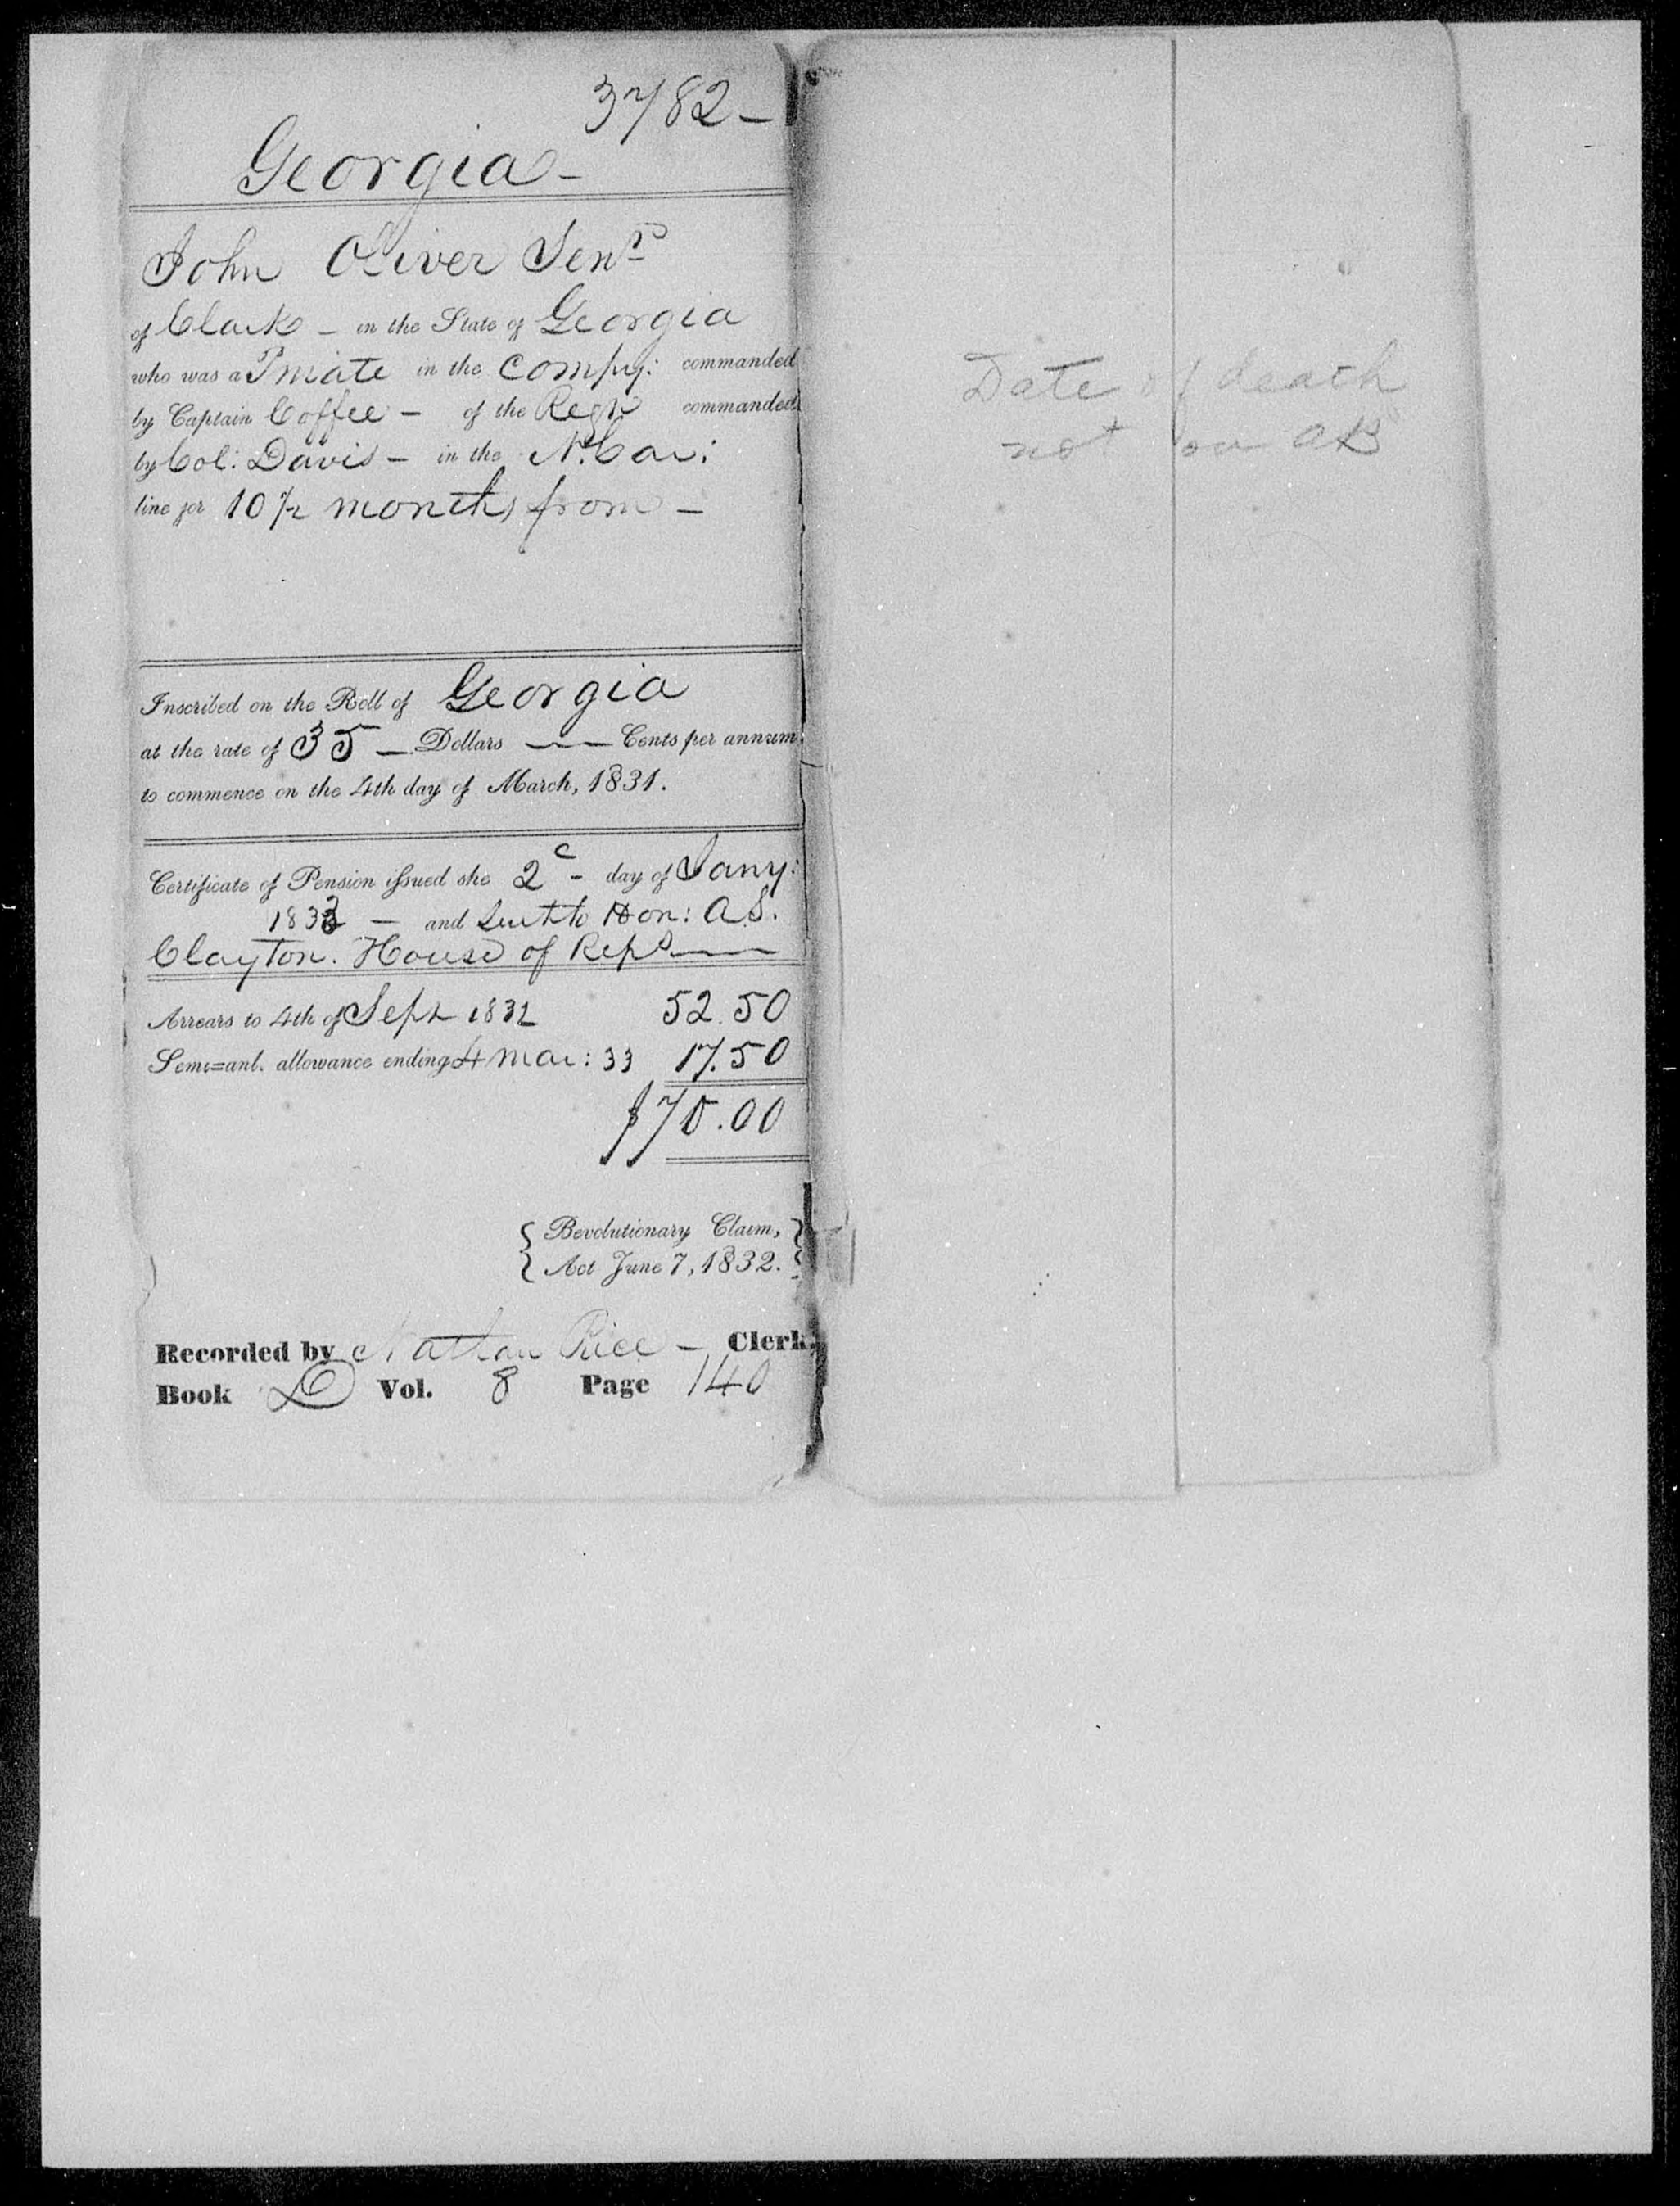3782
Georgia
John Oliver Senr
of Clarke in the State of Georgia who was a Private in the compy. commanded by Captain Coffee of the Regt commanded by Col. Davis in the N. Car: line for 10 1/2 months from -

Inscribed on the Roll of Georgia at the rate of 35 Dollars ___ Cents per annum, to commence of the 4th day of March, 1931.

Certificate of Pension issued  the 2d day of Jany 1833 and sent to Hon. A.S. Clayton.  House of Reps

Arrears to 4th of Sept 1832                   52.50
Semi-anl. allowance ending 4 Mar: 33   17.50
                                    $70.00
{Revolutionary Claim, Act June 7, 1832.}
Recorded by Nathan Rice Clerk,
Book D  Vol. 8  Page 140

Date of death not on AB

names: [BLANK] Coffee; A S Clayton; John Oliver; [BLANK] Davis; Nathan Rice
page: 2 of 32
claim: survivor's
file: S. 31888, for John Oliver, North Carolina